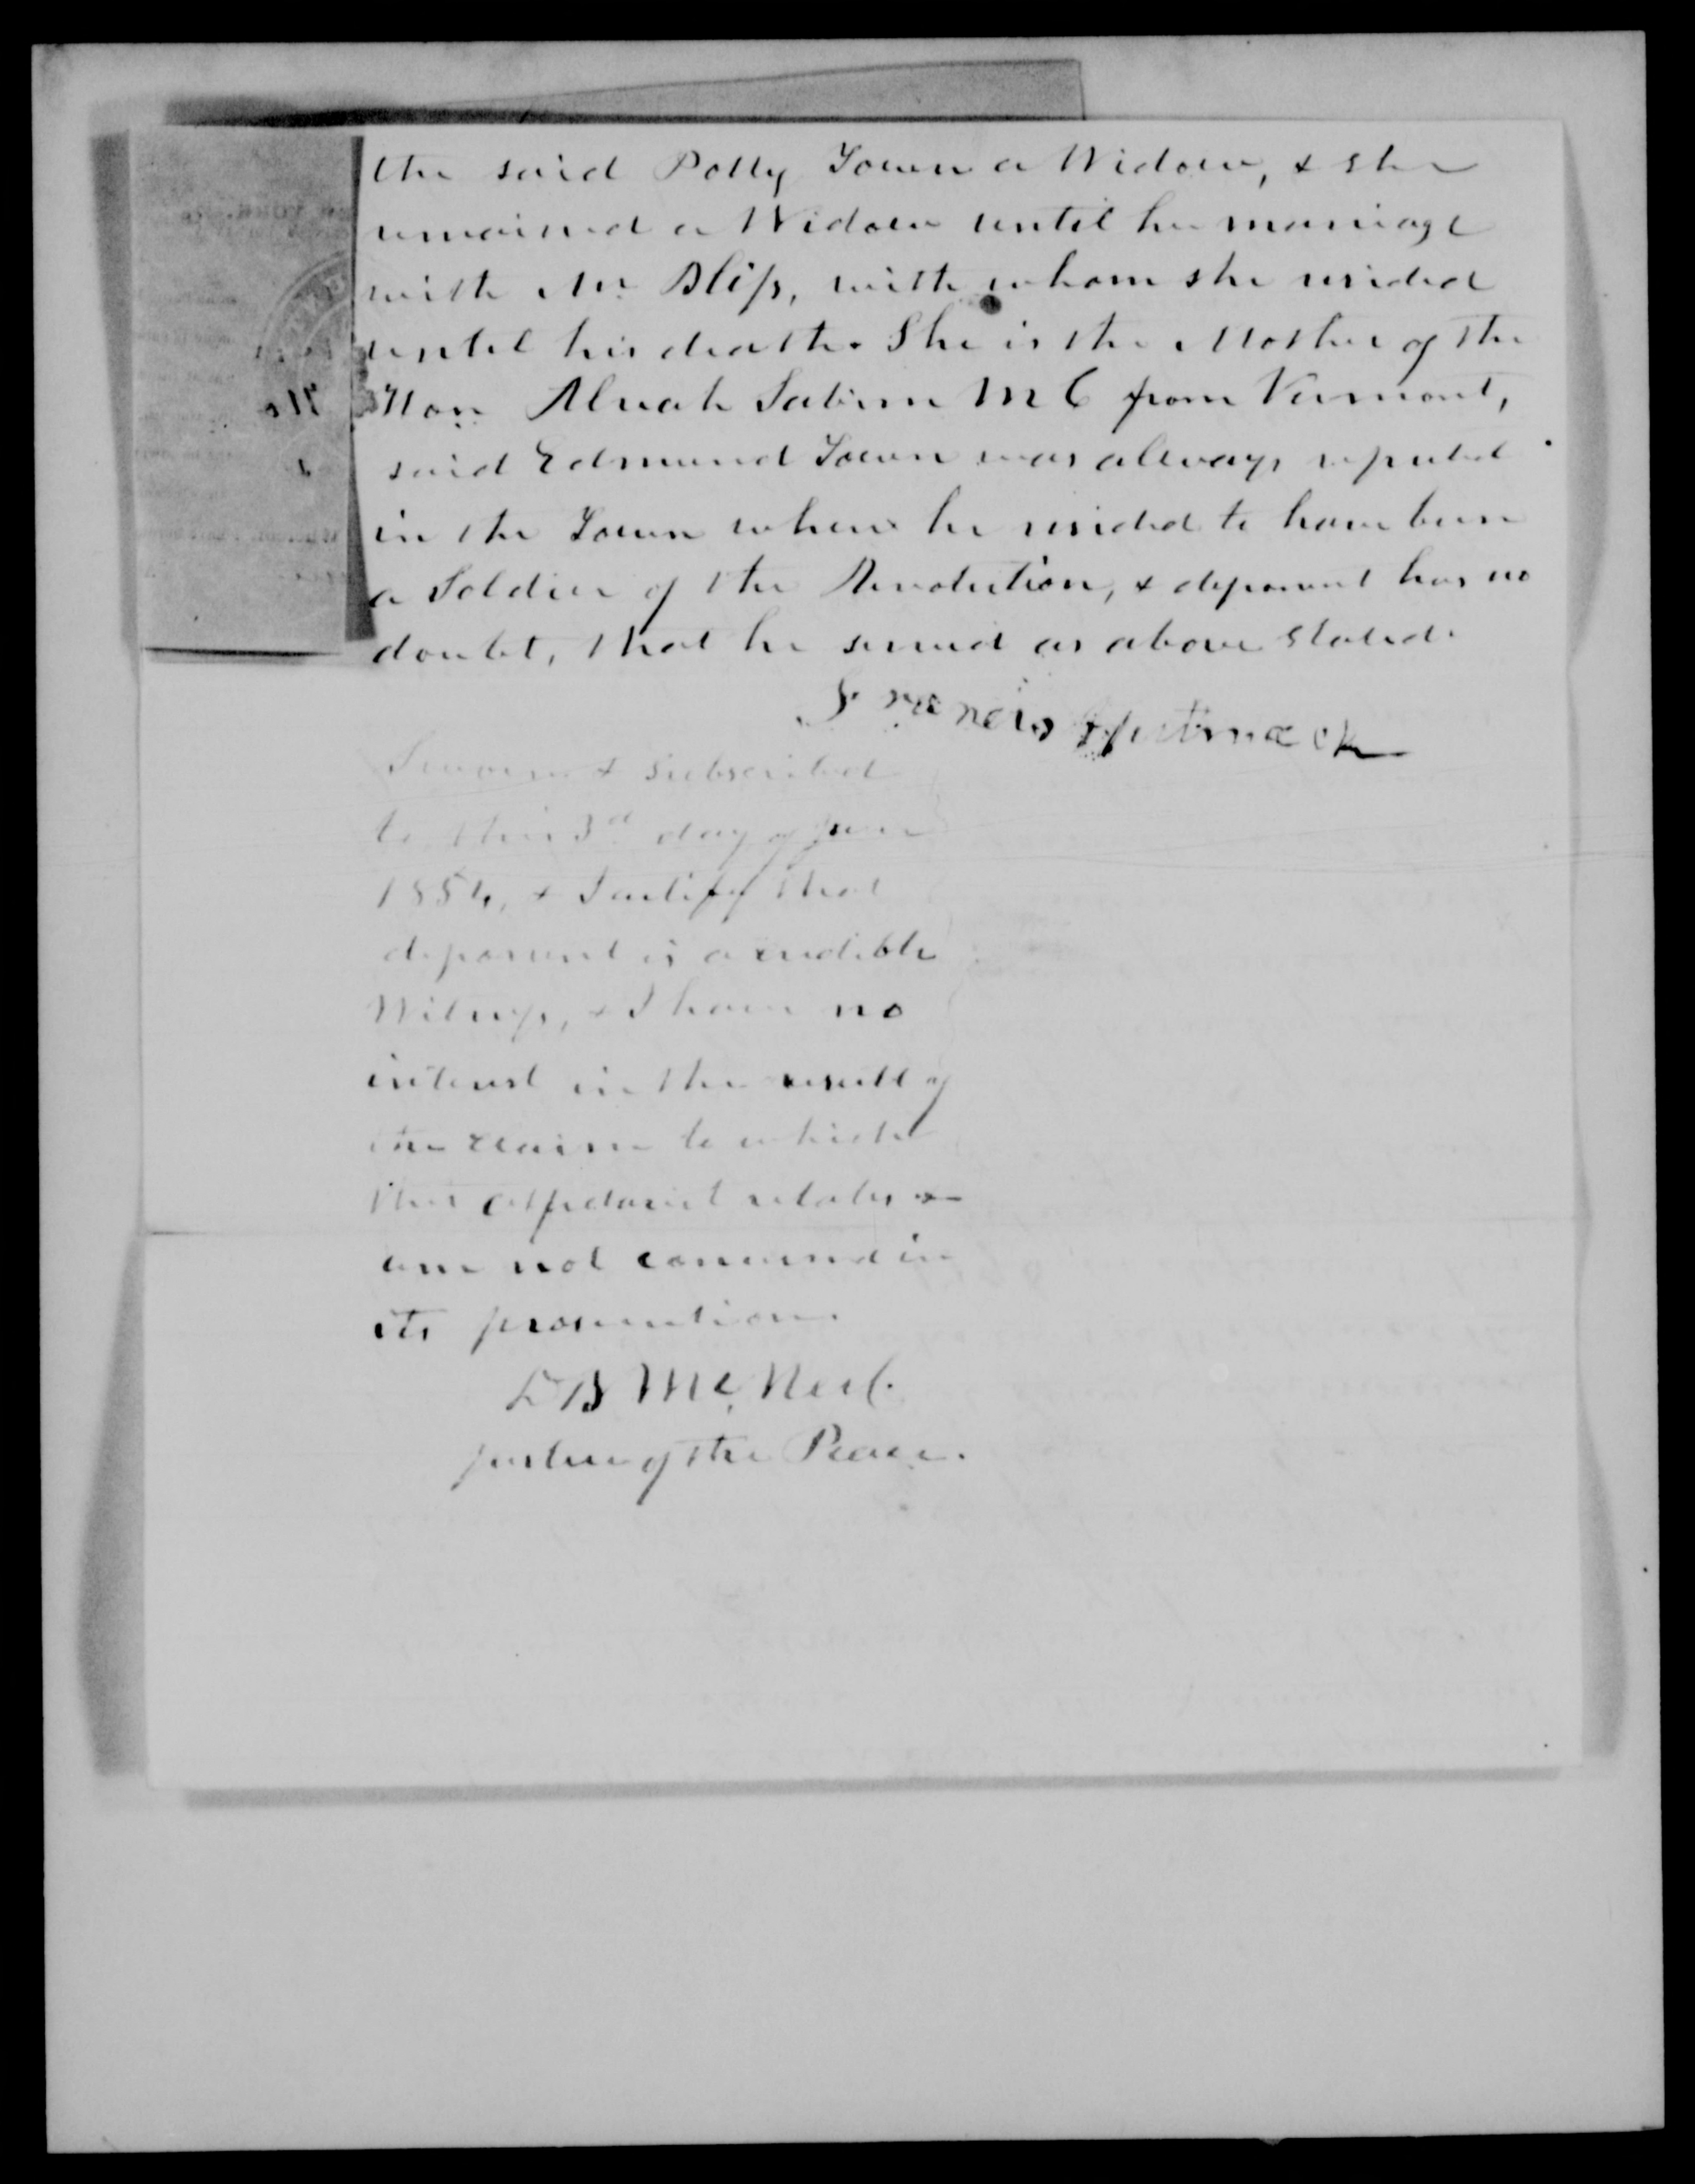the said Polly Town a Widow, & she remained a Widow until her marriage with Mr. Bliss, with whom she resided until his death. She is the Mother of the Hon. Alvah Sabin M. C. from Vermont, said Edmund Town was always reputed in the town where he resided to have been a soldier of the Revolution & deponent has no doubt that he served as above stated.
Francis Hutinack

Sworn & subscribed to this 3rd day of June 1854 & I certify that deponent is a credible witness. I have no interest in the result of the claim to which this applicant (illegible) & am not concerned in its prosecution.
D. B. McNiel
Justice of the Peace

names: D B Mc Niel, Polly Town, Francis Hutinack, Bliss, Alvah Sabin, Edmund Town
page: 59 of 64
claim: widow's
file: W. 5831, Edmund Town, Mass.